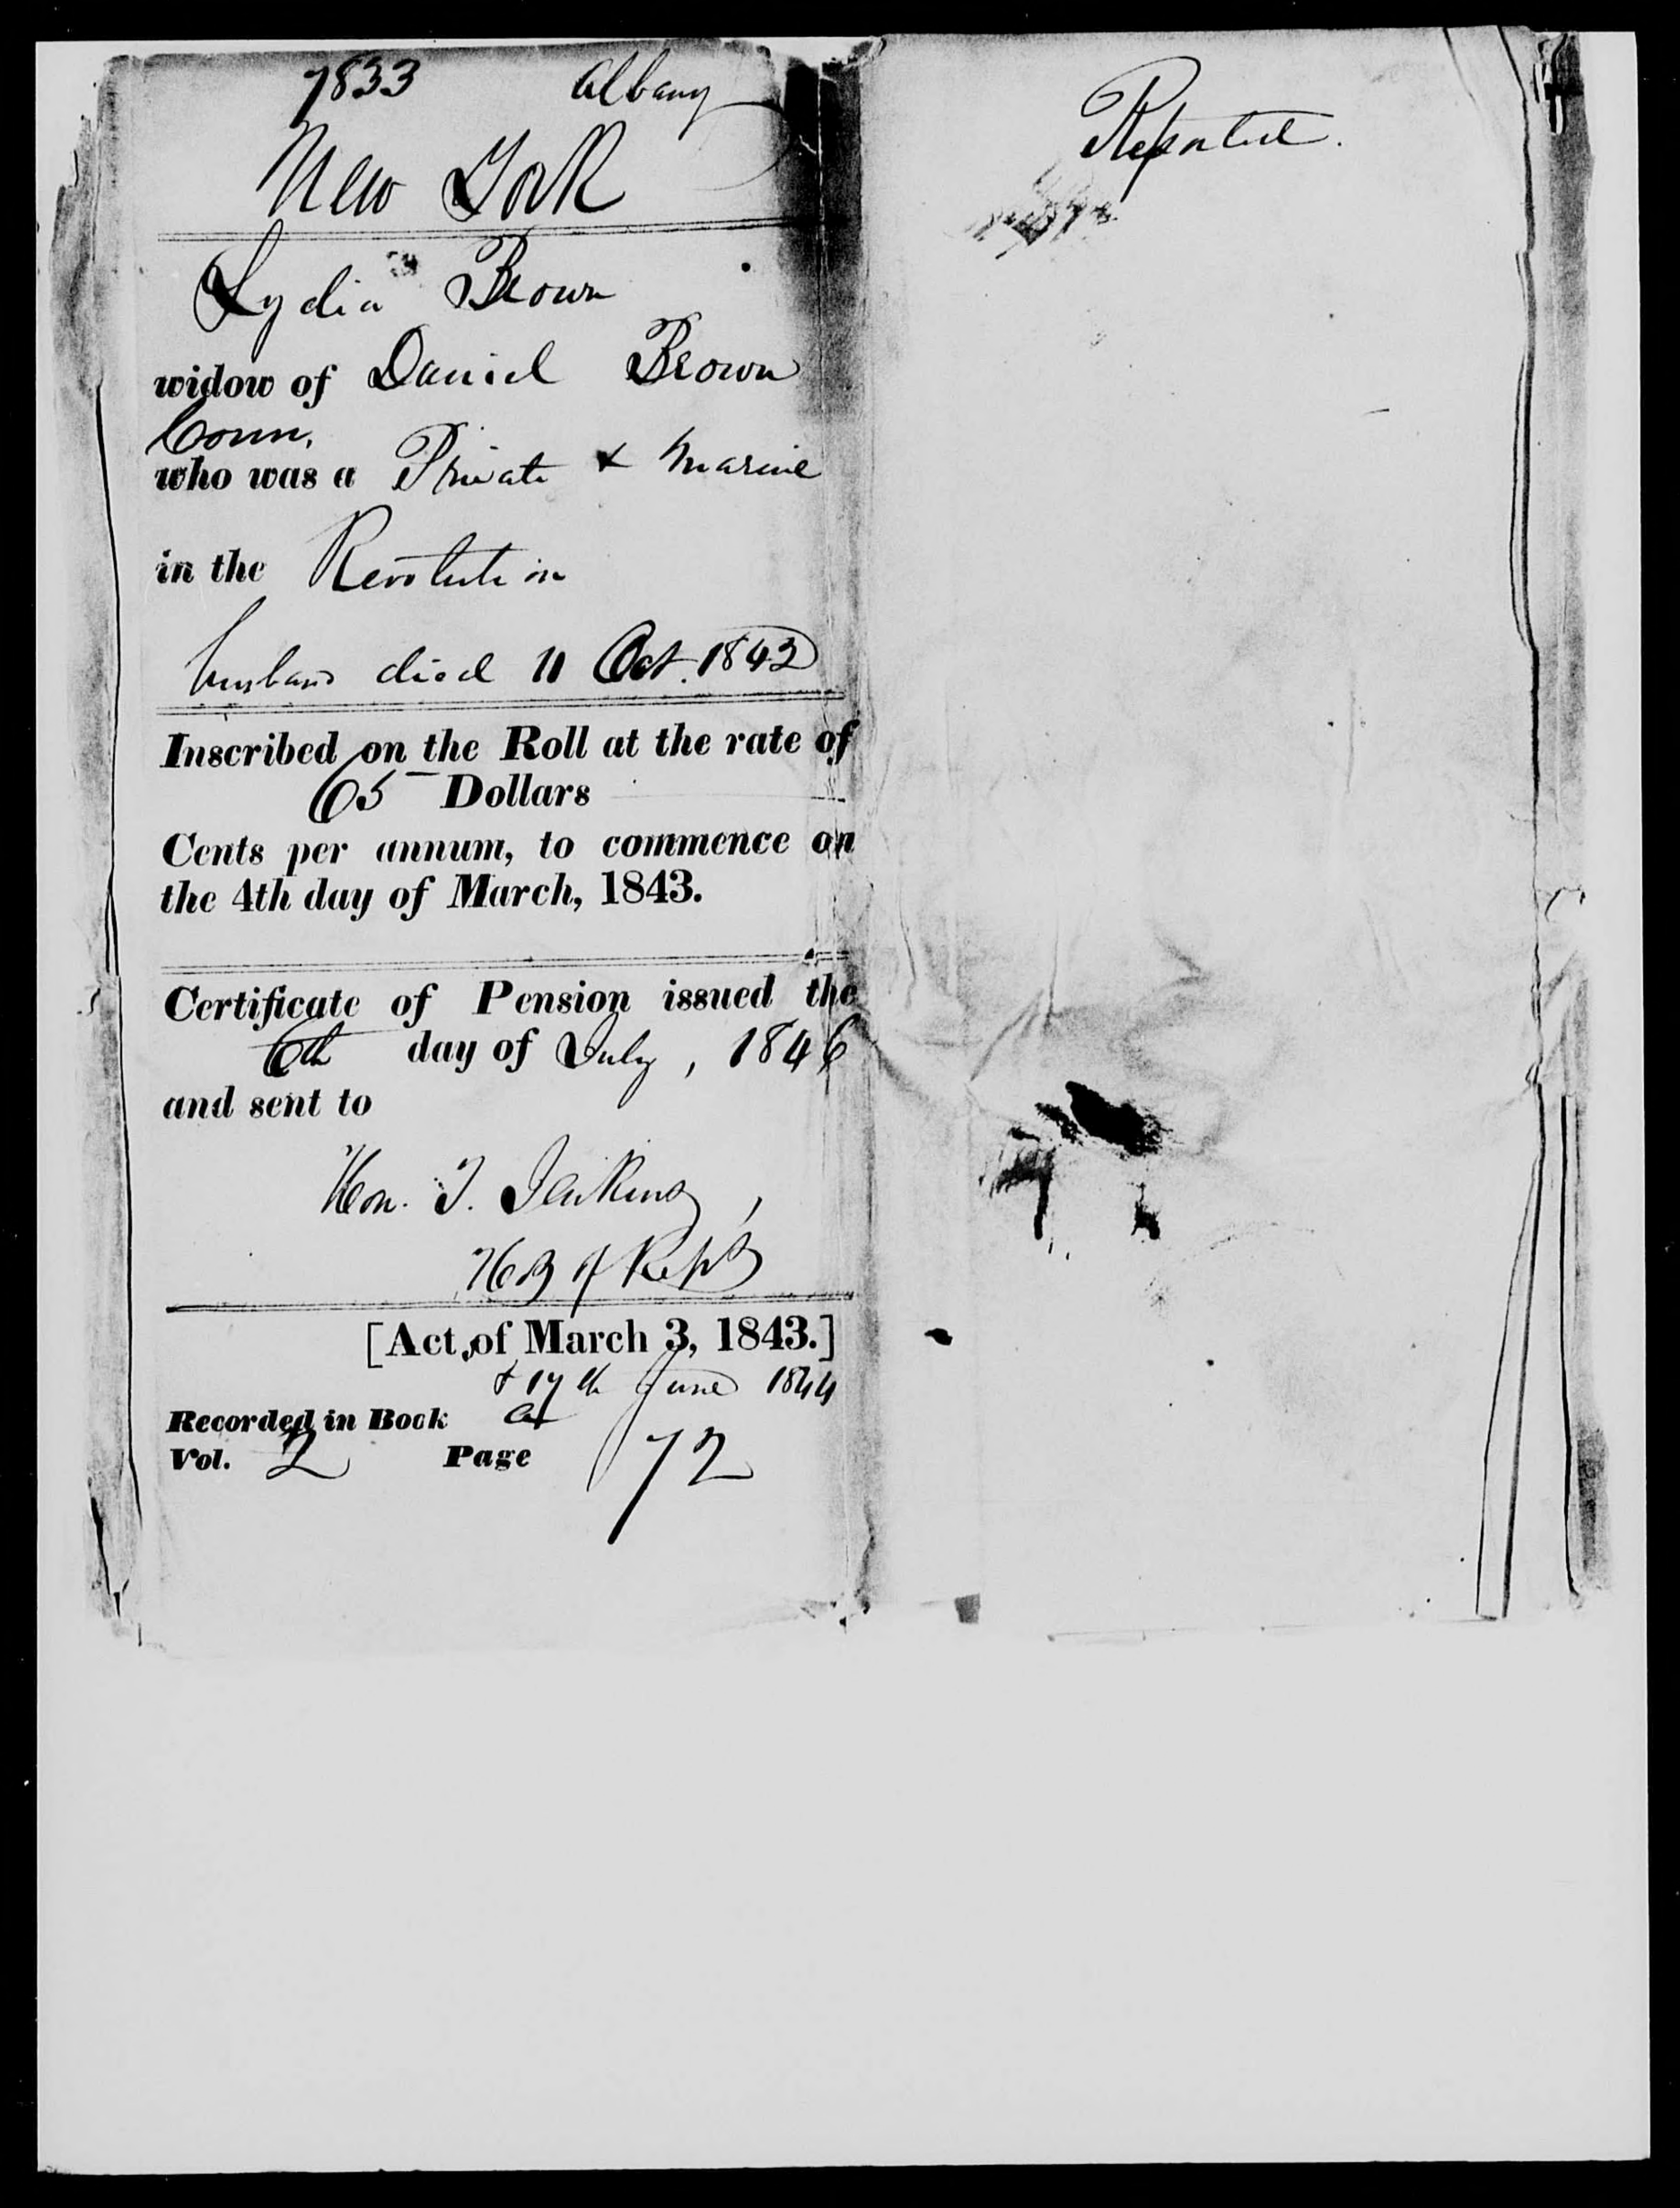[LEFT PAGE]

7833 Albany
New York
Lydia Brown

widow of Daniel Brown
Conn.
who was a Private x Marine
in the Revolution

Husband died 11 Oct 1843

-------------------

Inscribed on the Roll at the rate of 65 dollars
Cents per annum, to commence on the 4th day of March, 1843

-------------------

Certificate of Pension issued the 6th day of July, 1846 and sent to
Hon. J. Jenkins
76 [?] of Reps
----------------------
Act of March 3, 1843.
& 17th June 1844

Recorded in Book A
Vol 2 Page 72



[RIGHT PAGE]
Reported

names: J Jenkins, Daniel Brown, Lydia Brown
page: 3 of 37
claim: widow's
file: W. 20,787, Daniel Brown, Conn. Navy.